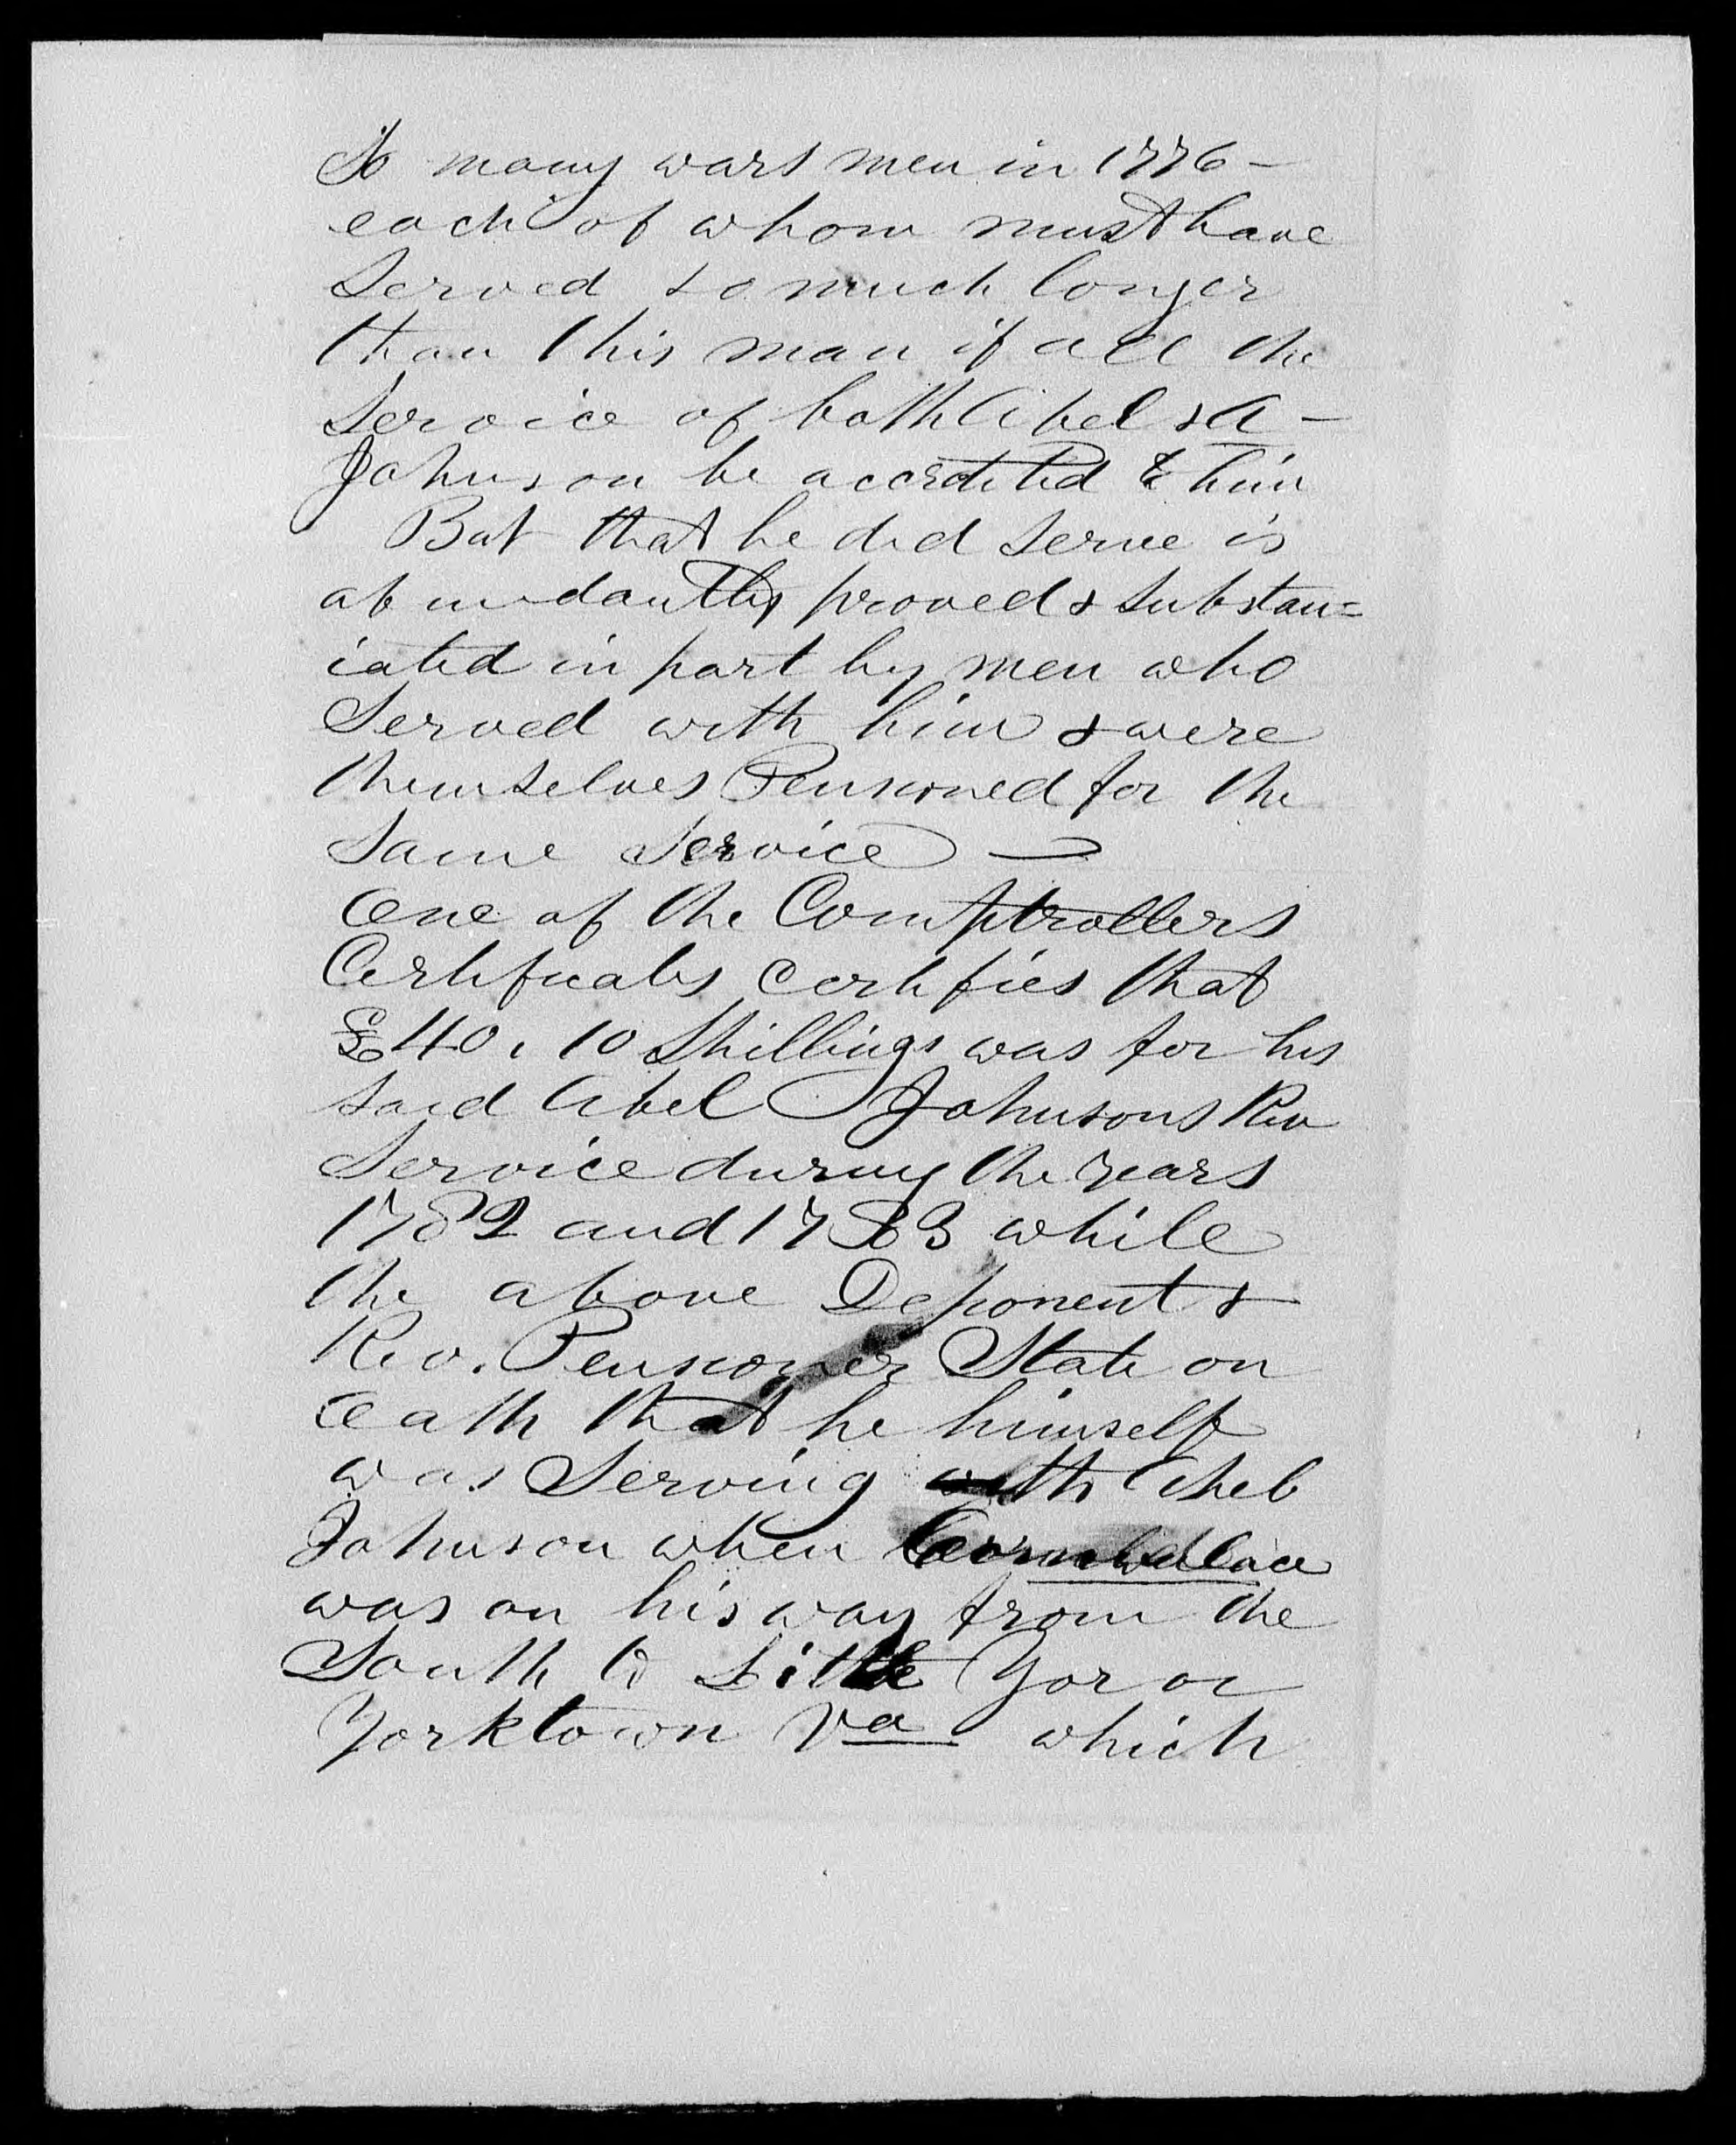So many wars men in 1776 - each of whom must have served so much longer than this man if all the service of both Abel Johnson be accredited to him but that he did service is abundantly proved and substantiated in part by men who served with him and were themselves Pensioned for the same service -  One of the comptrollers Certificates certifies that £40.10 Shillings was for his said Abel Johnson Revolutionary Service during the years 1782 and 1783 while the above deponent and Revolutionary pensioner state on oath that he himself was serving with Abel Johnson when Cornwallace [Cornwallis] was on his way from the south to Yorktown, Virginia, which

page: 40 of 74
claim: rejected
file: R. 5600, for Abel Johnson, North Carolina